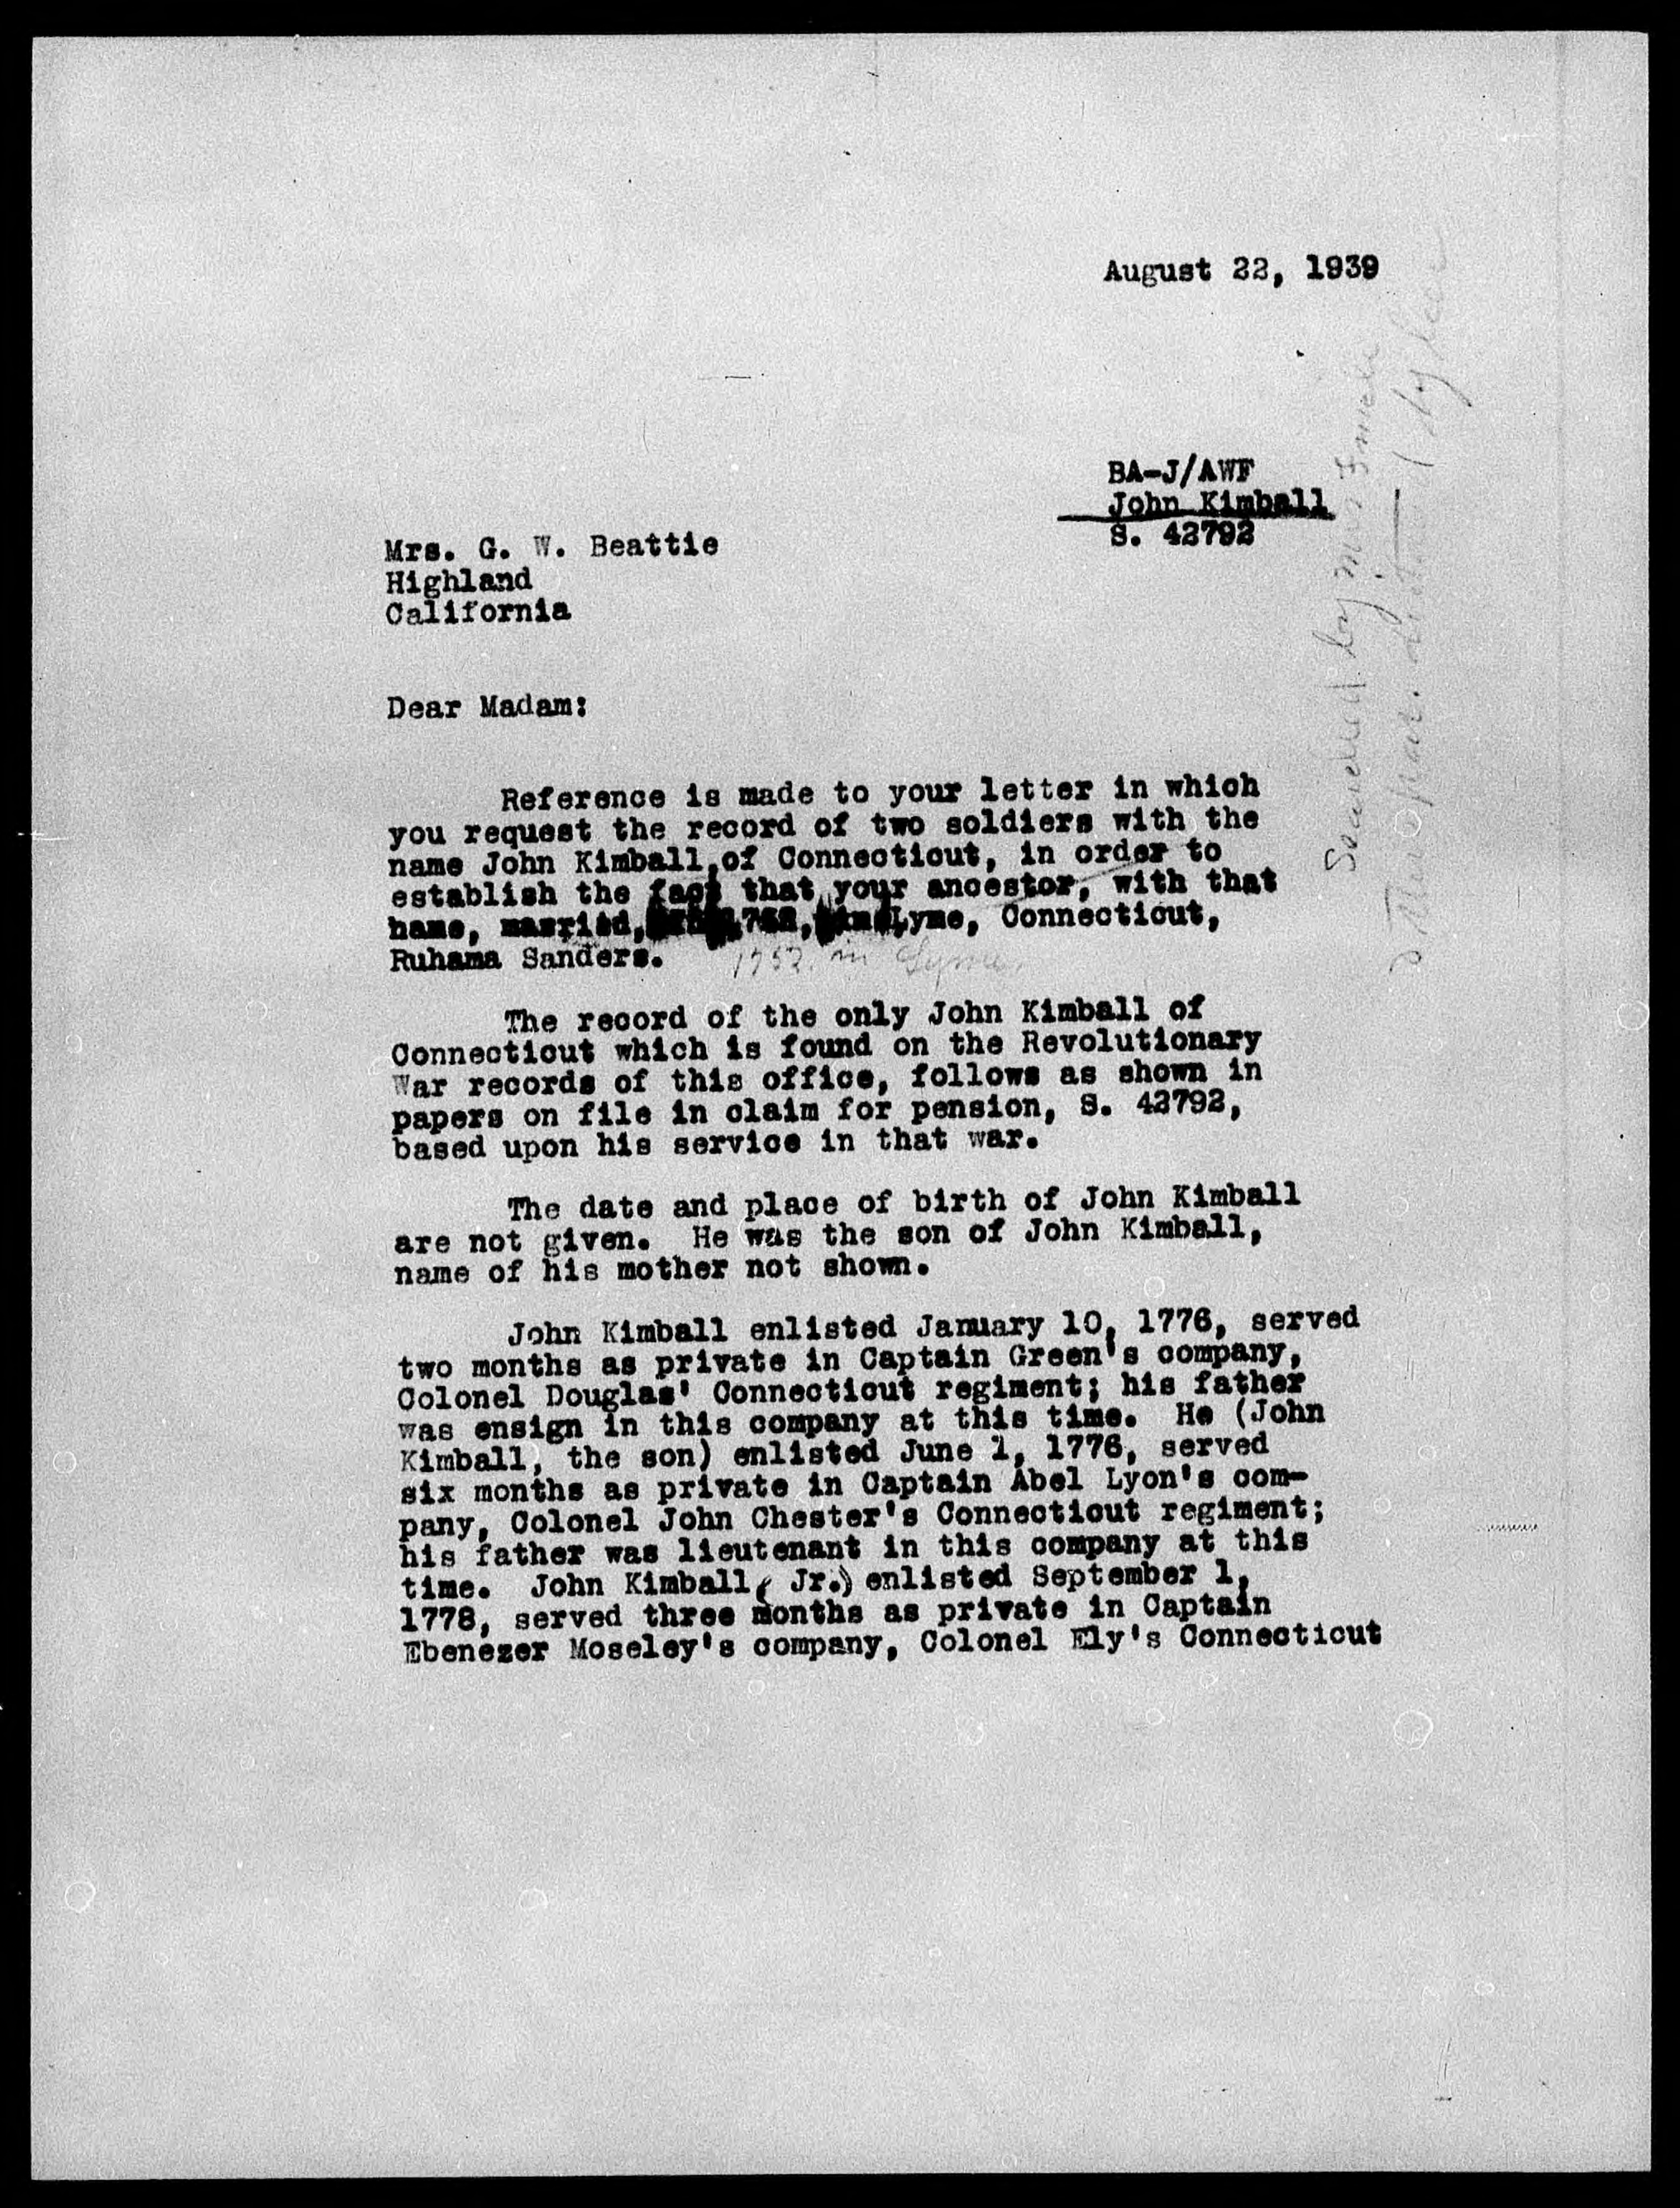August 22, 1939

Mrs. G. W. Beattie
Highland
California

BA-J/AWF
John Kimball
S. 42792

Dear Madam:

Reference is made to your letter in which you request the record of two soldiers with the name John Kimball of Connecticut, in order to establish the fact that your ancestor, with that name, married 1752 in Lyme, Connecticut, Ruhama Sanders. [written in margin with line drawn to Lyme] Searched by Mrs. Frick & [illegible] dictated by [illegible]

The record of the only John Kimball of Connecticut which is found on the Revolutionary War records of this office, follows as shown in papers on file in claim for pension, S. 42792, based upon his service in that war.

The date and place of birth of John Kimball are not given. He was the son of John Kimball, name of his mother not shown.

John Kimball enlisted January 10, 1776, served two months as private in Captain Green's company, Colonel Douglas' Connecticut regiment; his father was ensign in this company at this time. He (John Kimball, the son) enlisted June 1, 1776, served six months as private in Captain Abel Lyon's company, Colonel John Chester's Connecticut regiment; his father was lieutenant in this company at this time. John Kimball (Jr.) enlisted September 1, 1778, served three months as private in Captain Ebenezer Moseley's company, Colonel Ely's Connecticut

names: G W Beattie; John Kimball; [BLANK] French; Ruhama Sanders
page: 13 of 36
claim: survivor's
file: S. 42,792, for John Kimball, Connecticut